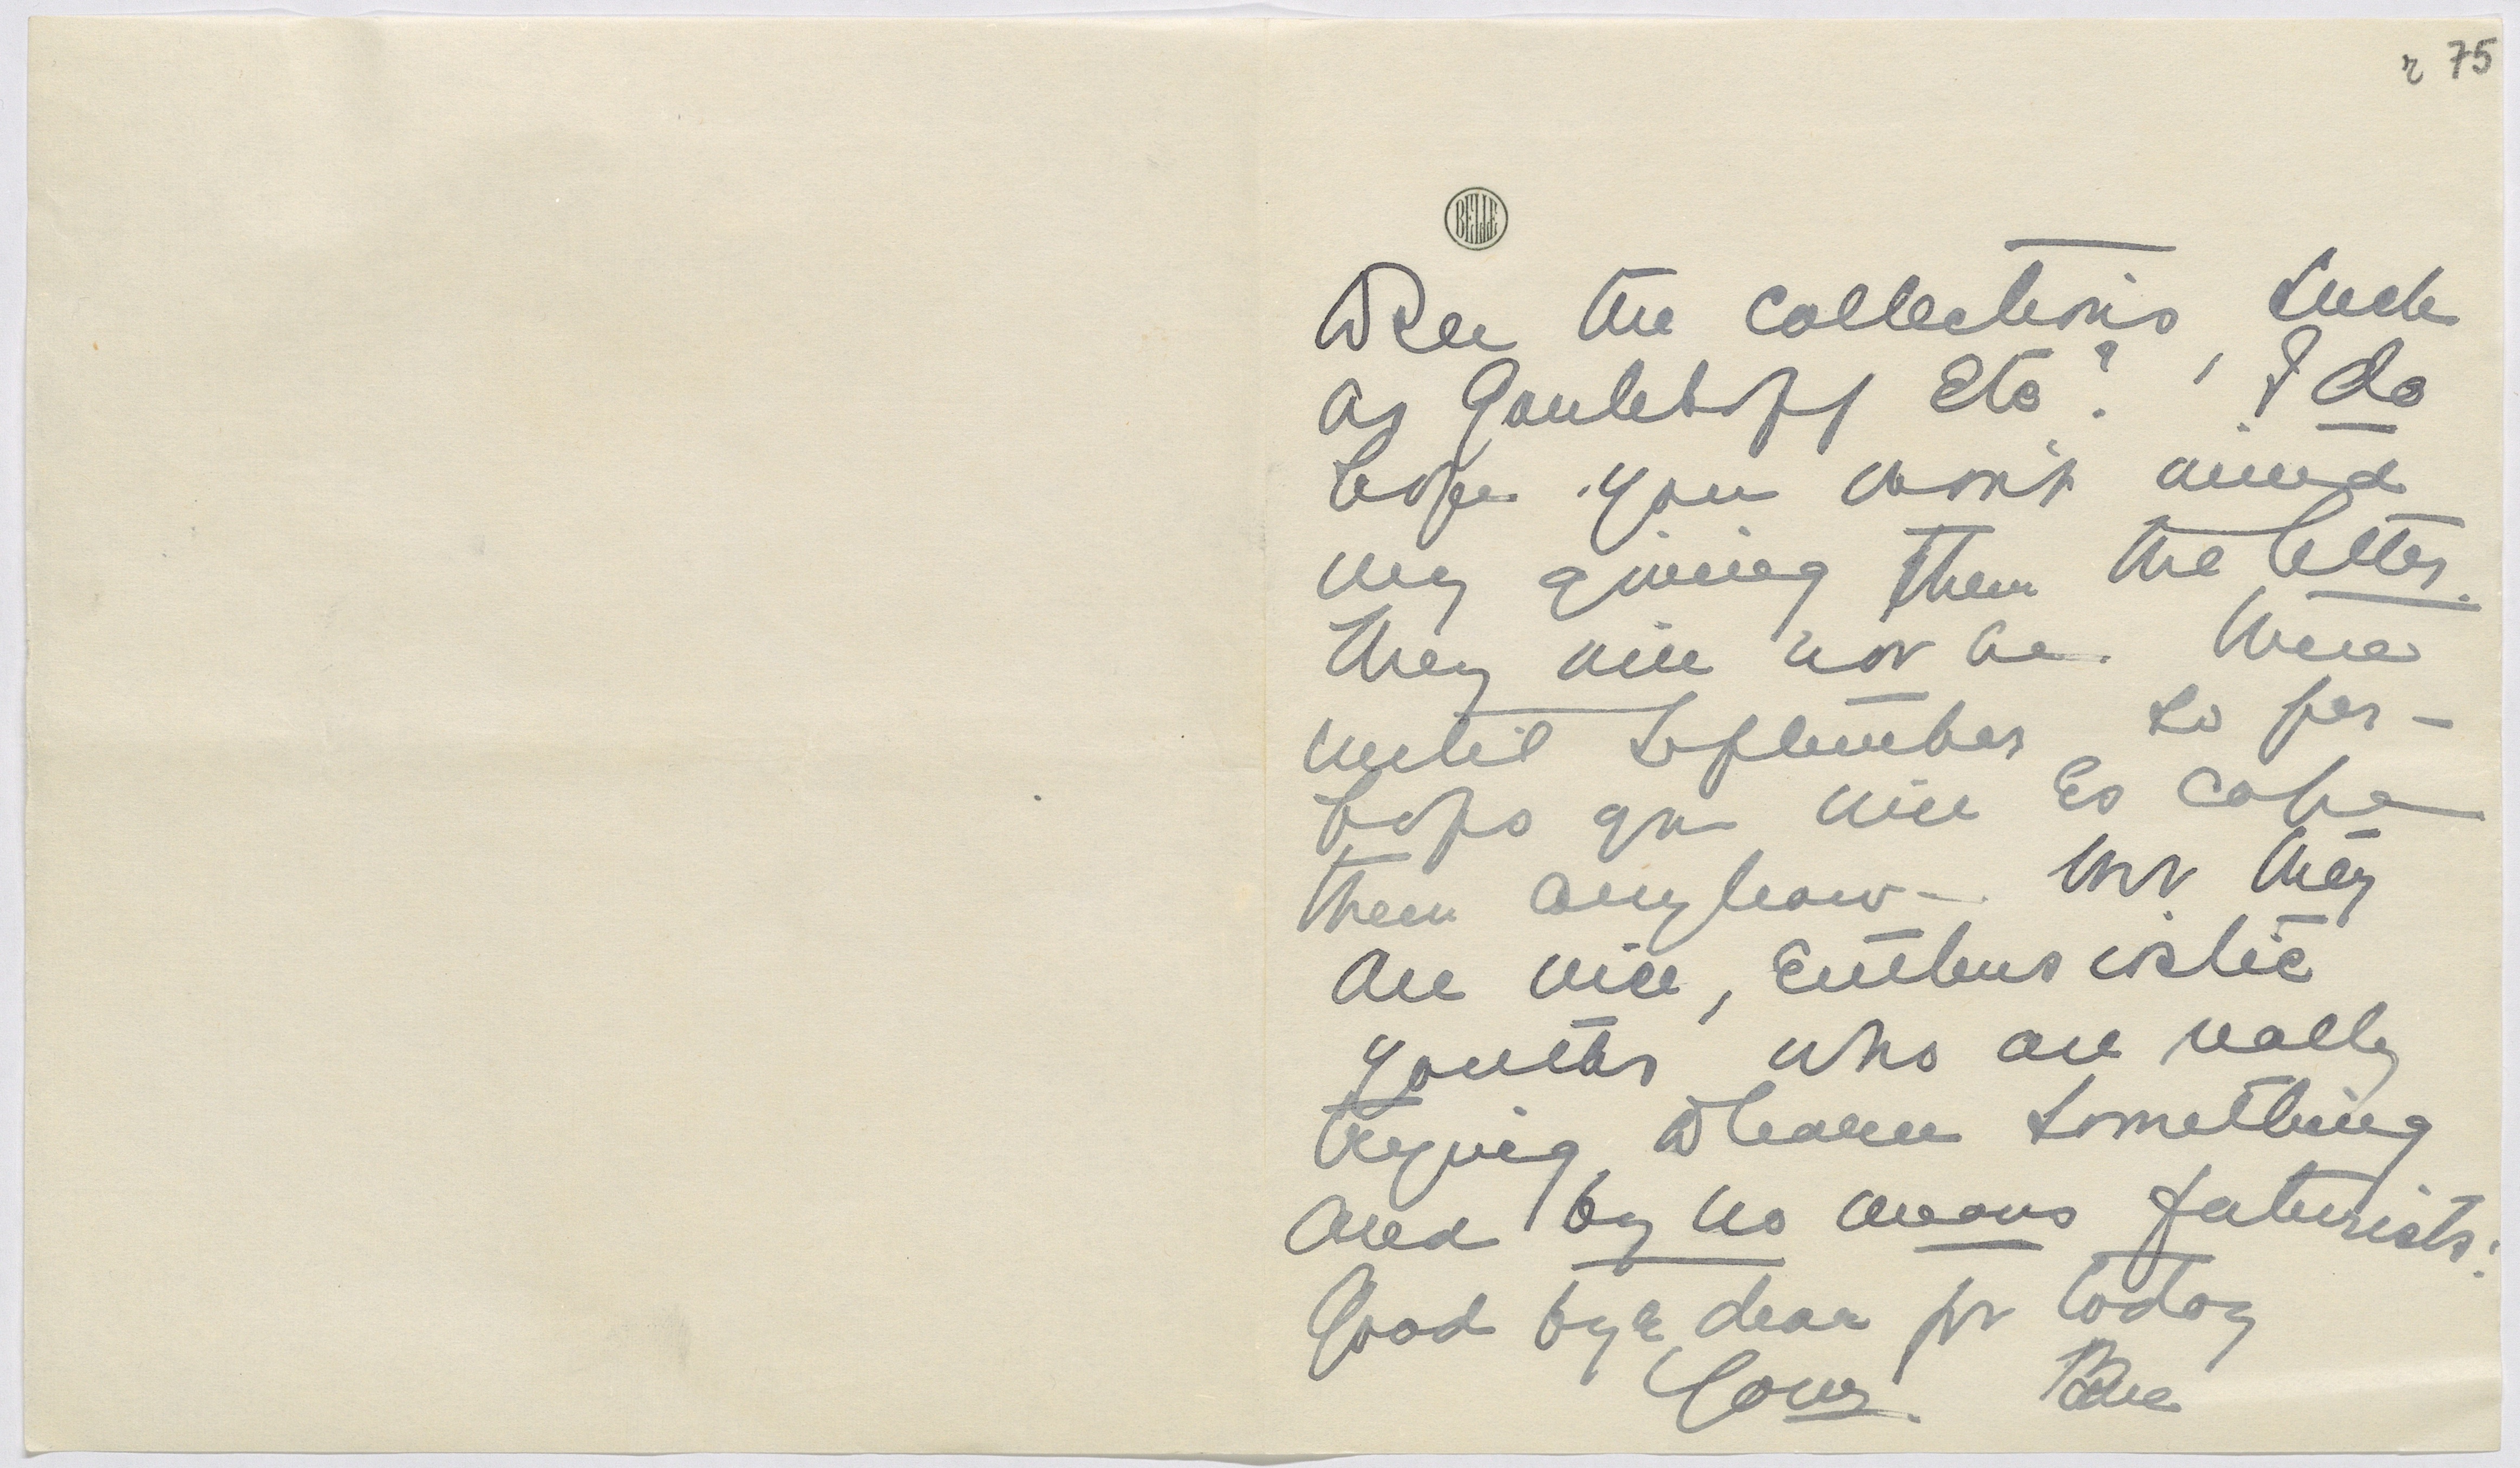to see the collections such as Gaulehoff etc? I do hope you won’t mind my giving them the letter. They will not be there until September so perhaps you will escape them anyhow but they all will, enthusiastic youths who are really trying to learn something and by no means futurists!
Good bye dear for today
Your Belle